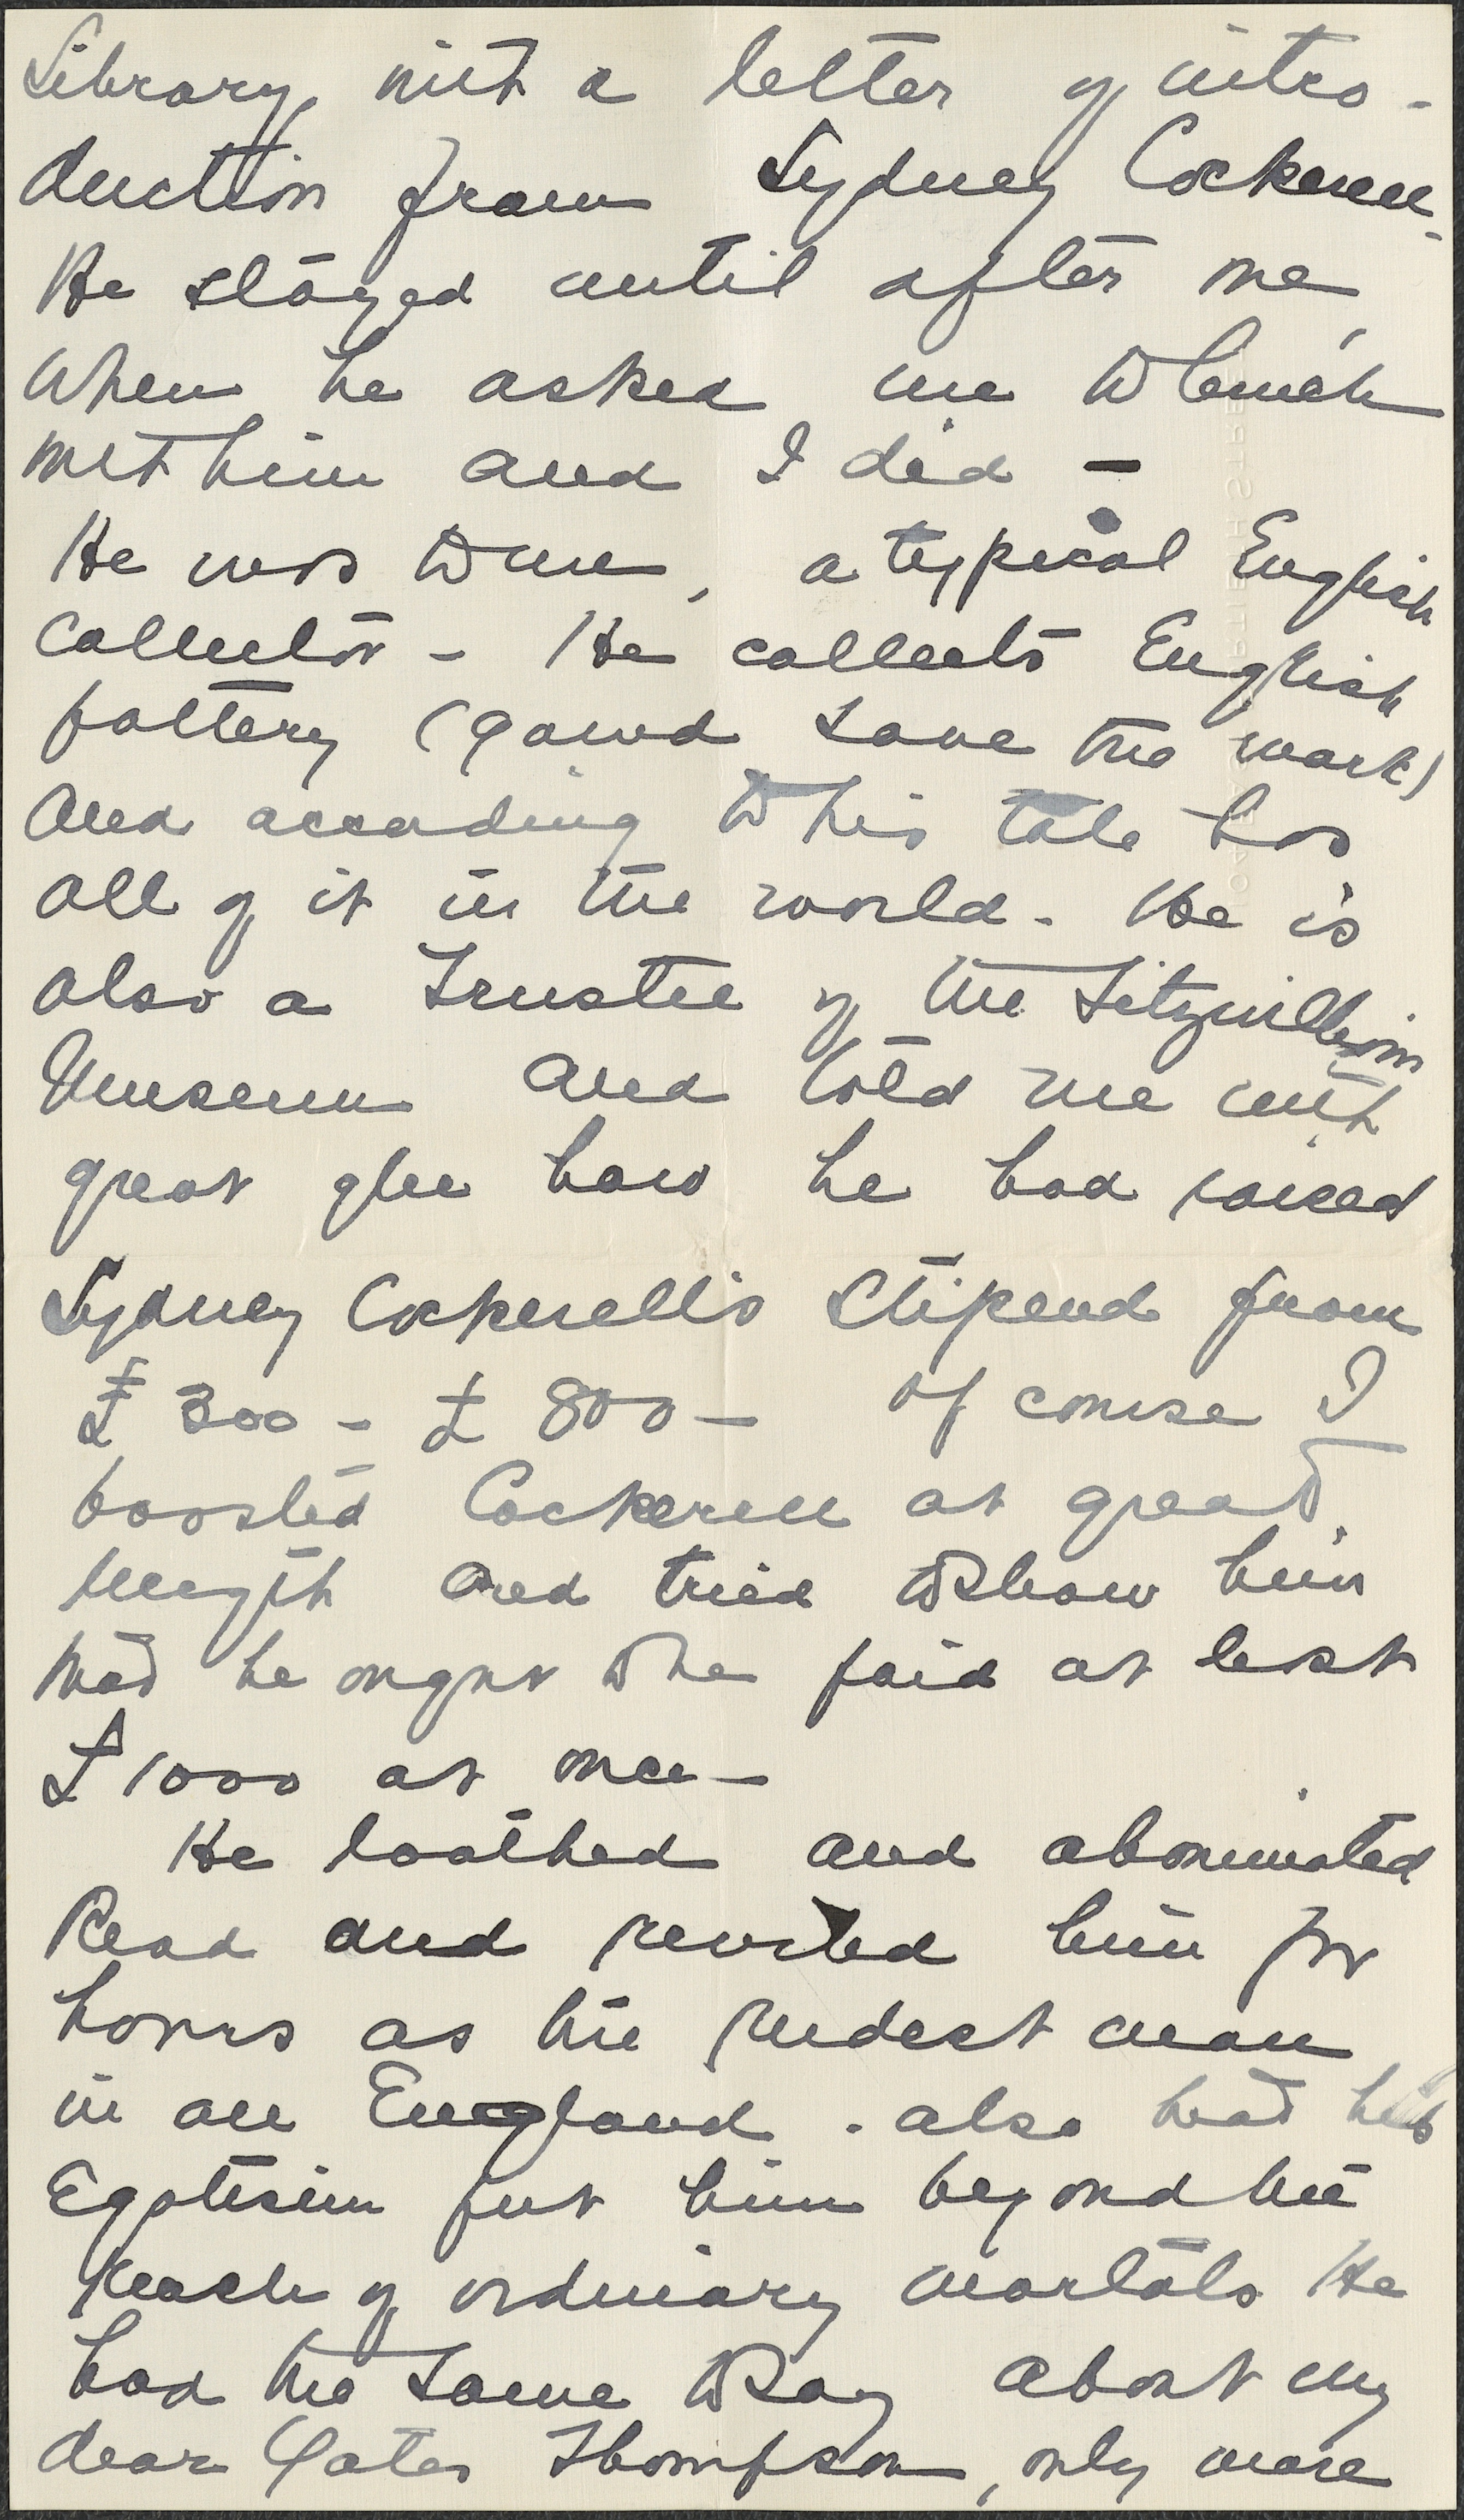Library with a letter of introduction from Sydney Cockerell. He stayed until after one when he asked me to lunch with him and I did –
He was to me, a typical English collector – He collects English pottery (gawd save the work) and according to his tale has all of it in the world. He is also a trustee of the Fitzwilliam Museum and told me with great glee how he had raised Sydney Cockerell’s stipend from £300 – £800 – Of course I boosted Cockerell at great length and tried to show him that he ought to be paid at least £1000 at once –
He loathed and abominated Read and reviled him for hours as the rudest man in all England. also that his egotism put him beyond the reach of ordinary mortals He had the same to say about my dear Yates Thompson, only more